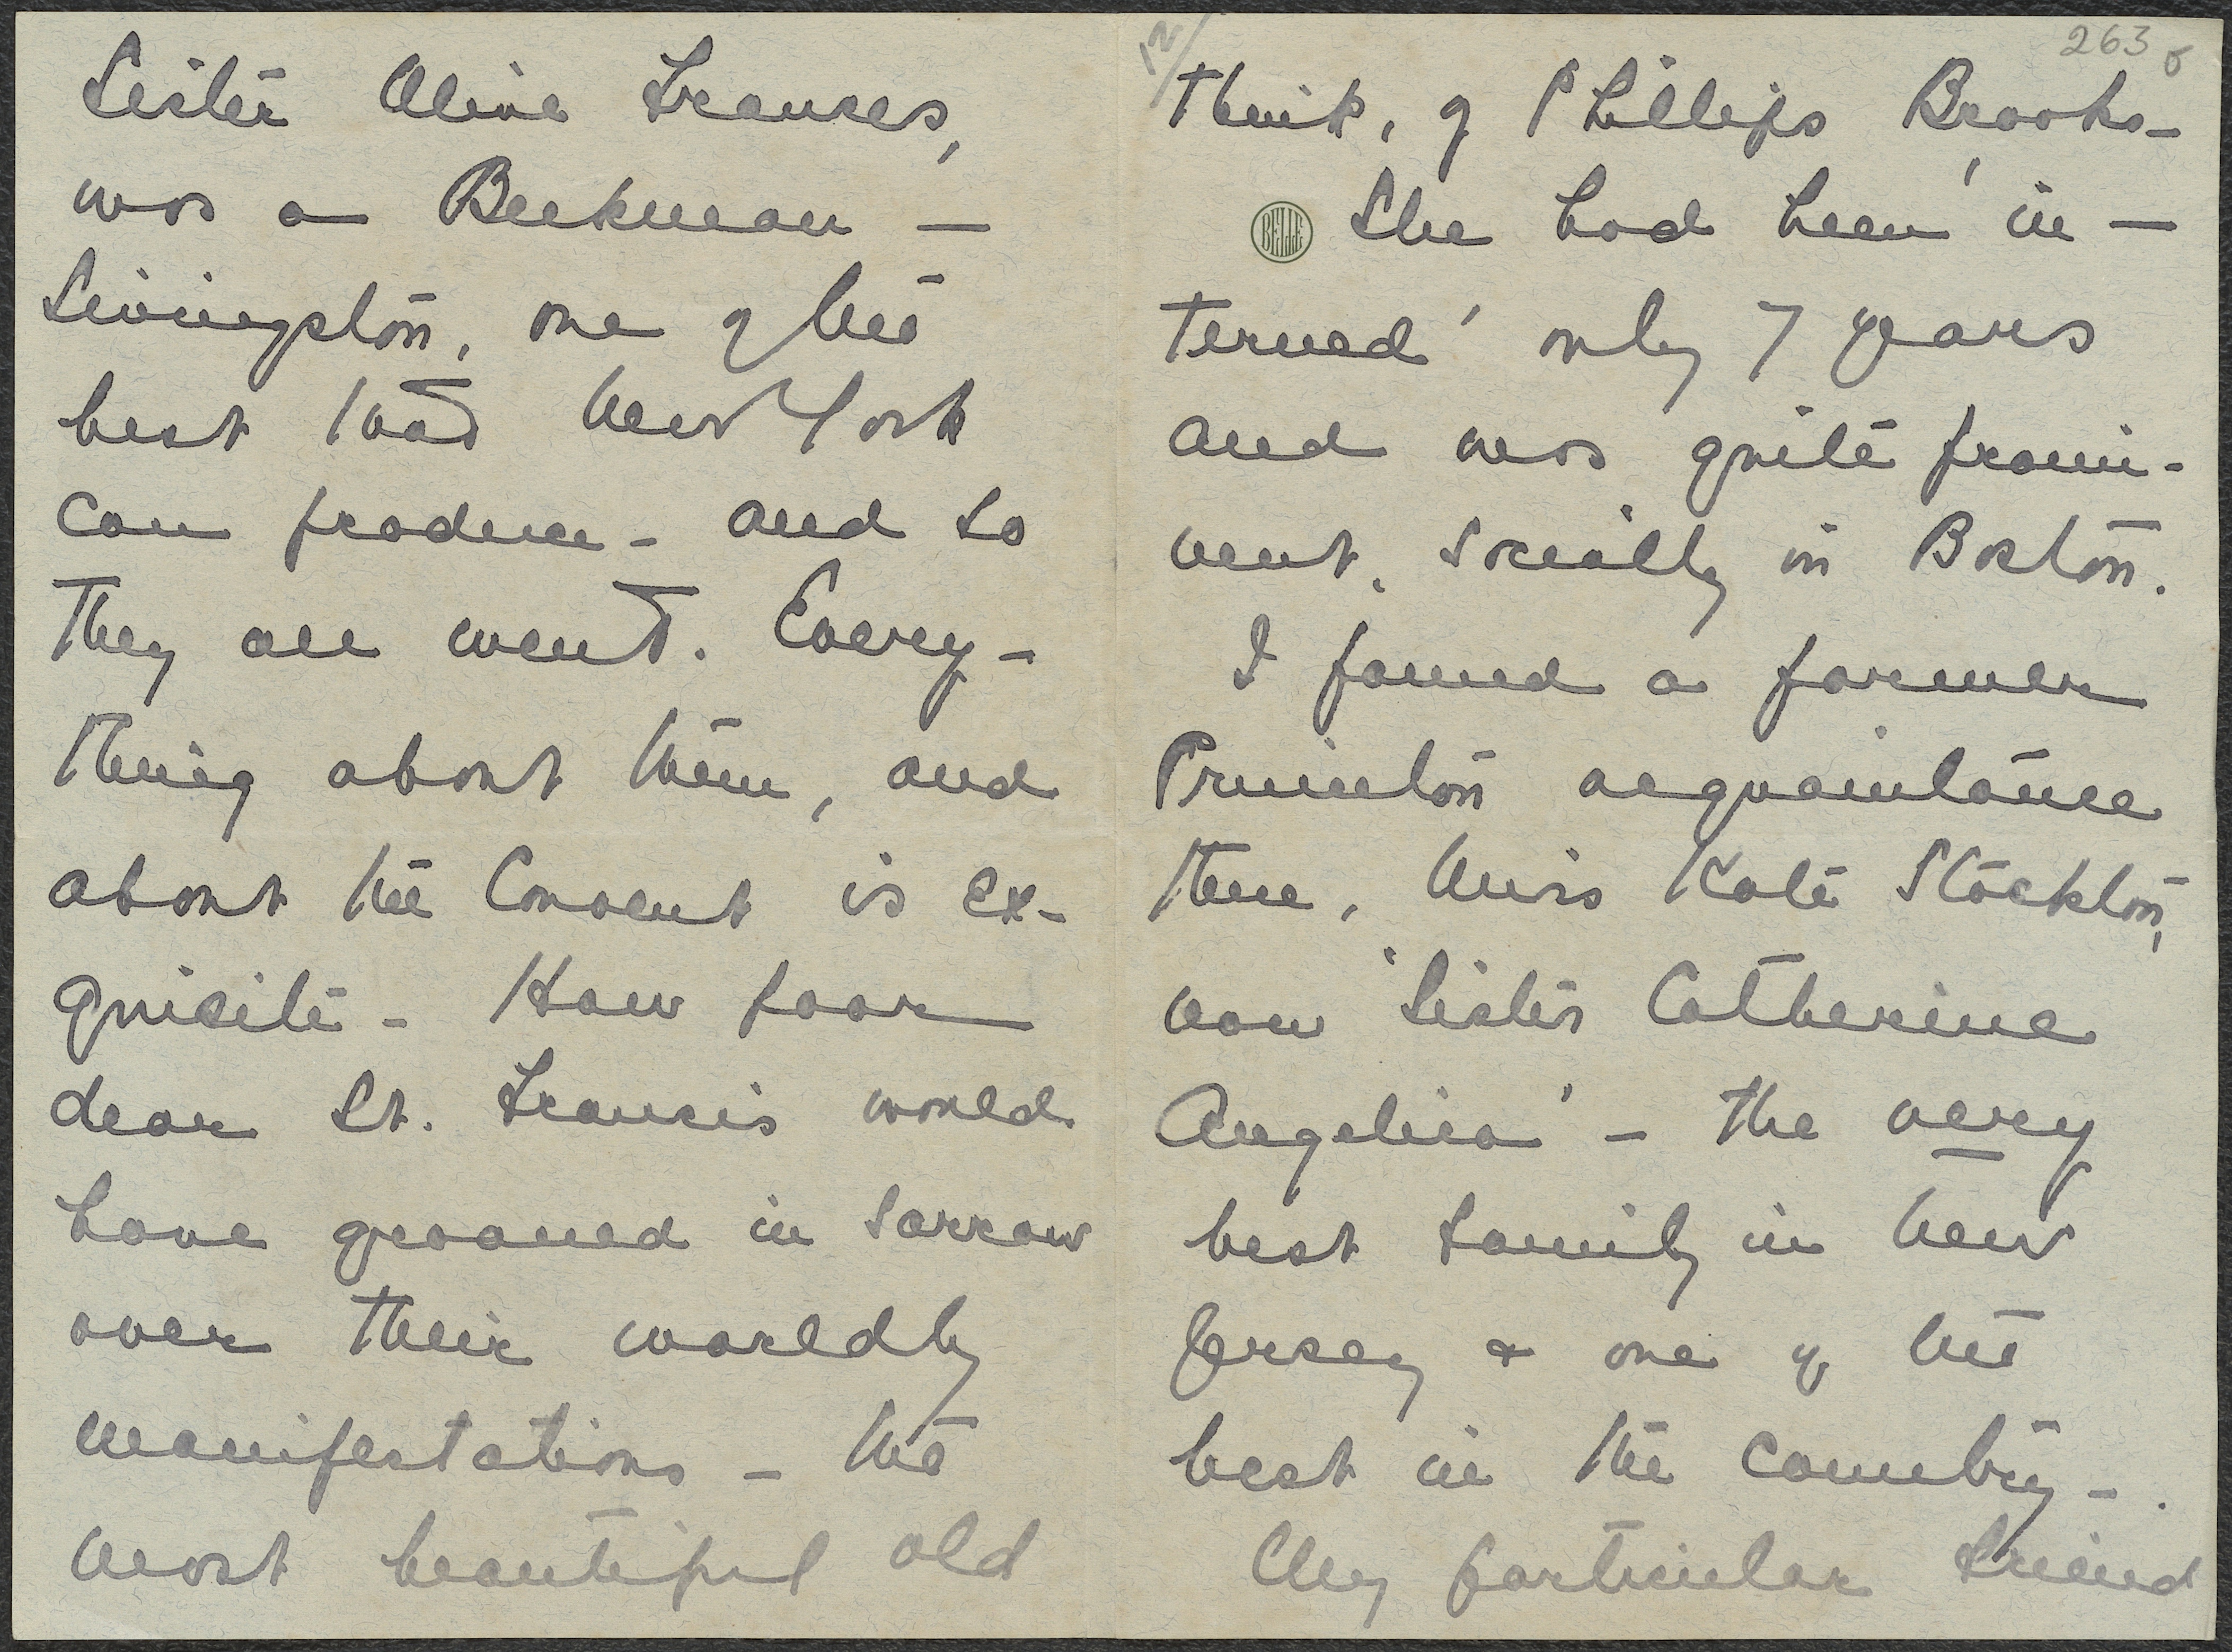12/
think, of Phillips Brooks – She had been “interned” only 7 years and was quite prominent, socially in Boston. I found a former Princeton acquaintance there, Miss Kate Stockton, now “Sister Catherine Angelica” – the very best family in New Jersey & one of the best in the country –
My particular friend
Sister Aline Frances, was a Beekman-Livingston, one of the best that New York can produce – and so they all went. Everything about them, and about the Convent is exquisite – How poor dear St. Francis would have groaned in sorrow over their worldly manifestations – the most beautiful old